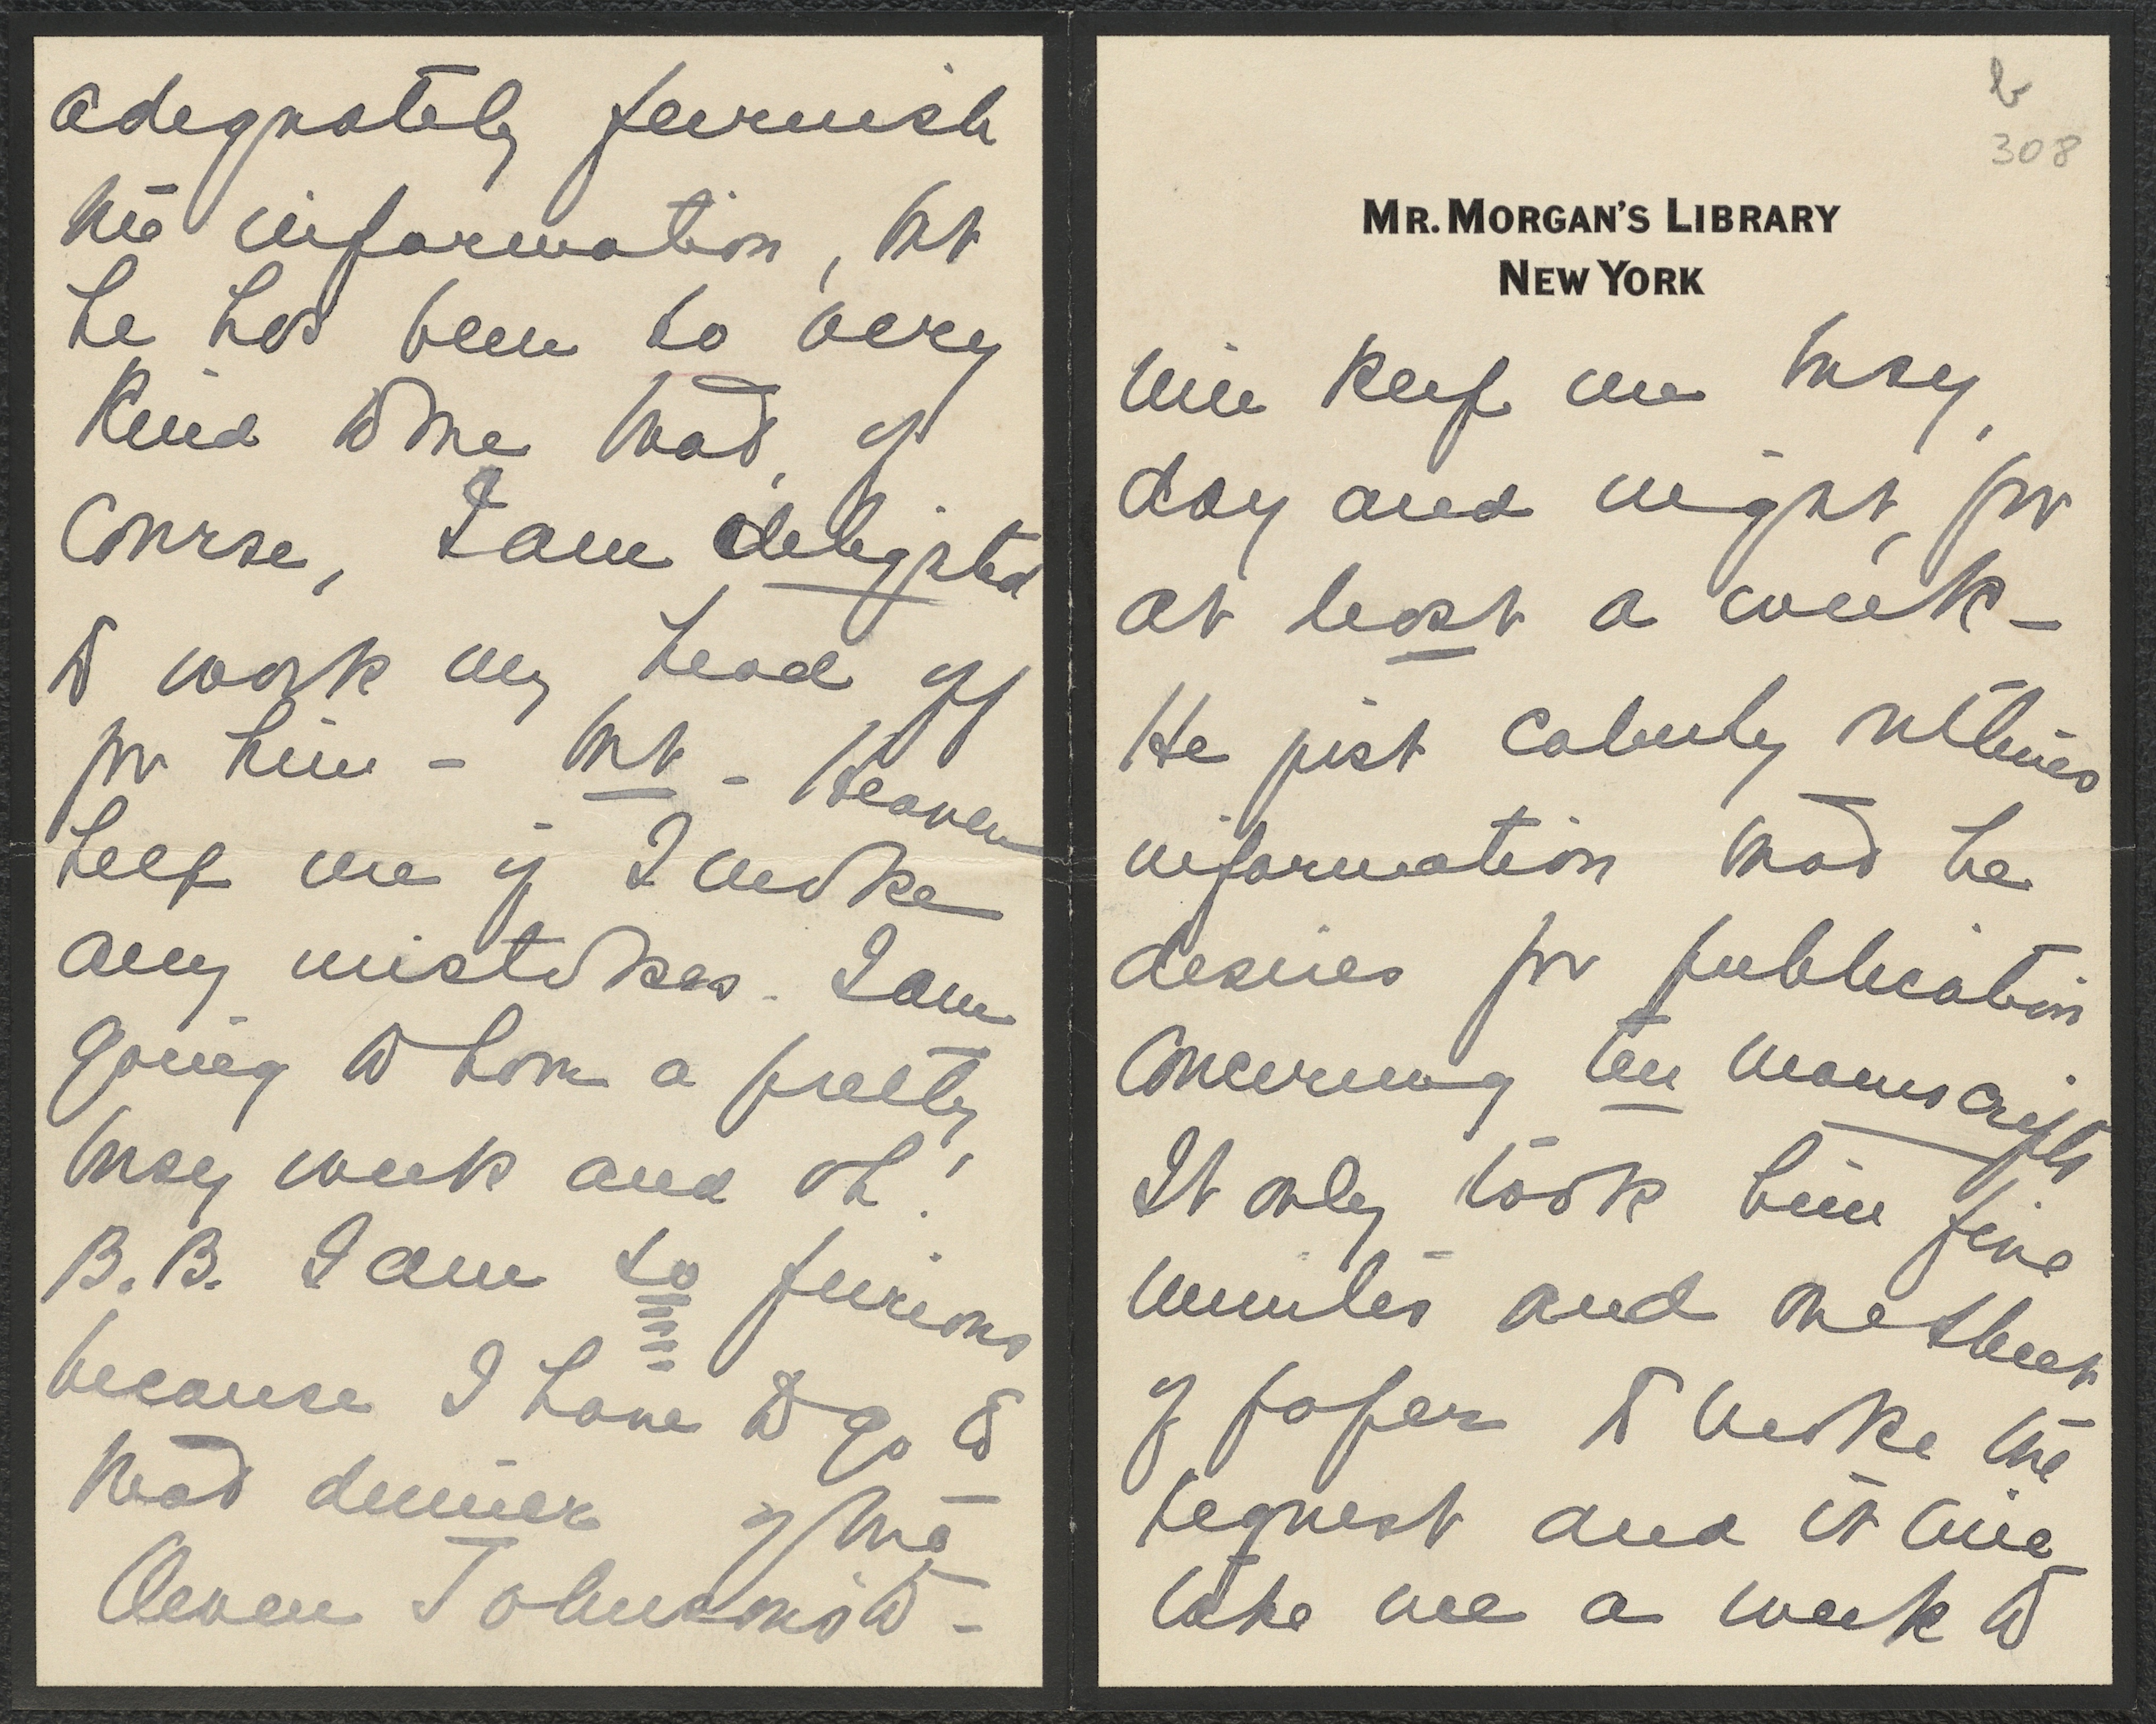will keep me busy, day and night, for at least a week – He just calmly outlines information that he desires for publication concerning ten manuscripts It only took him five minutes and one sheet of paper to make the request and it will take me a week to
adequately furnish the information, but he has been so very kind to me that, of course, I am delighted to work my head off for him – but – Heaven help me if I make any mistakes. I am going to have a pretty busy week and oh! B. B. I am [quintuple underlined: so] furious because I have to go to that dinner of the Owen Johnson’s tonight.